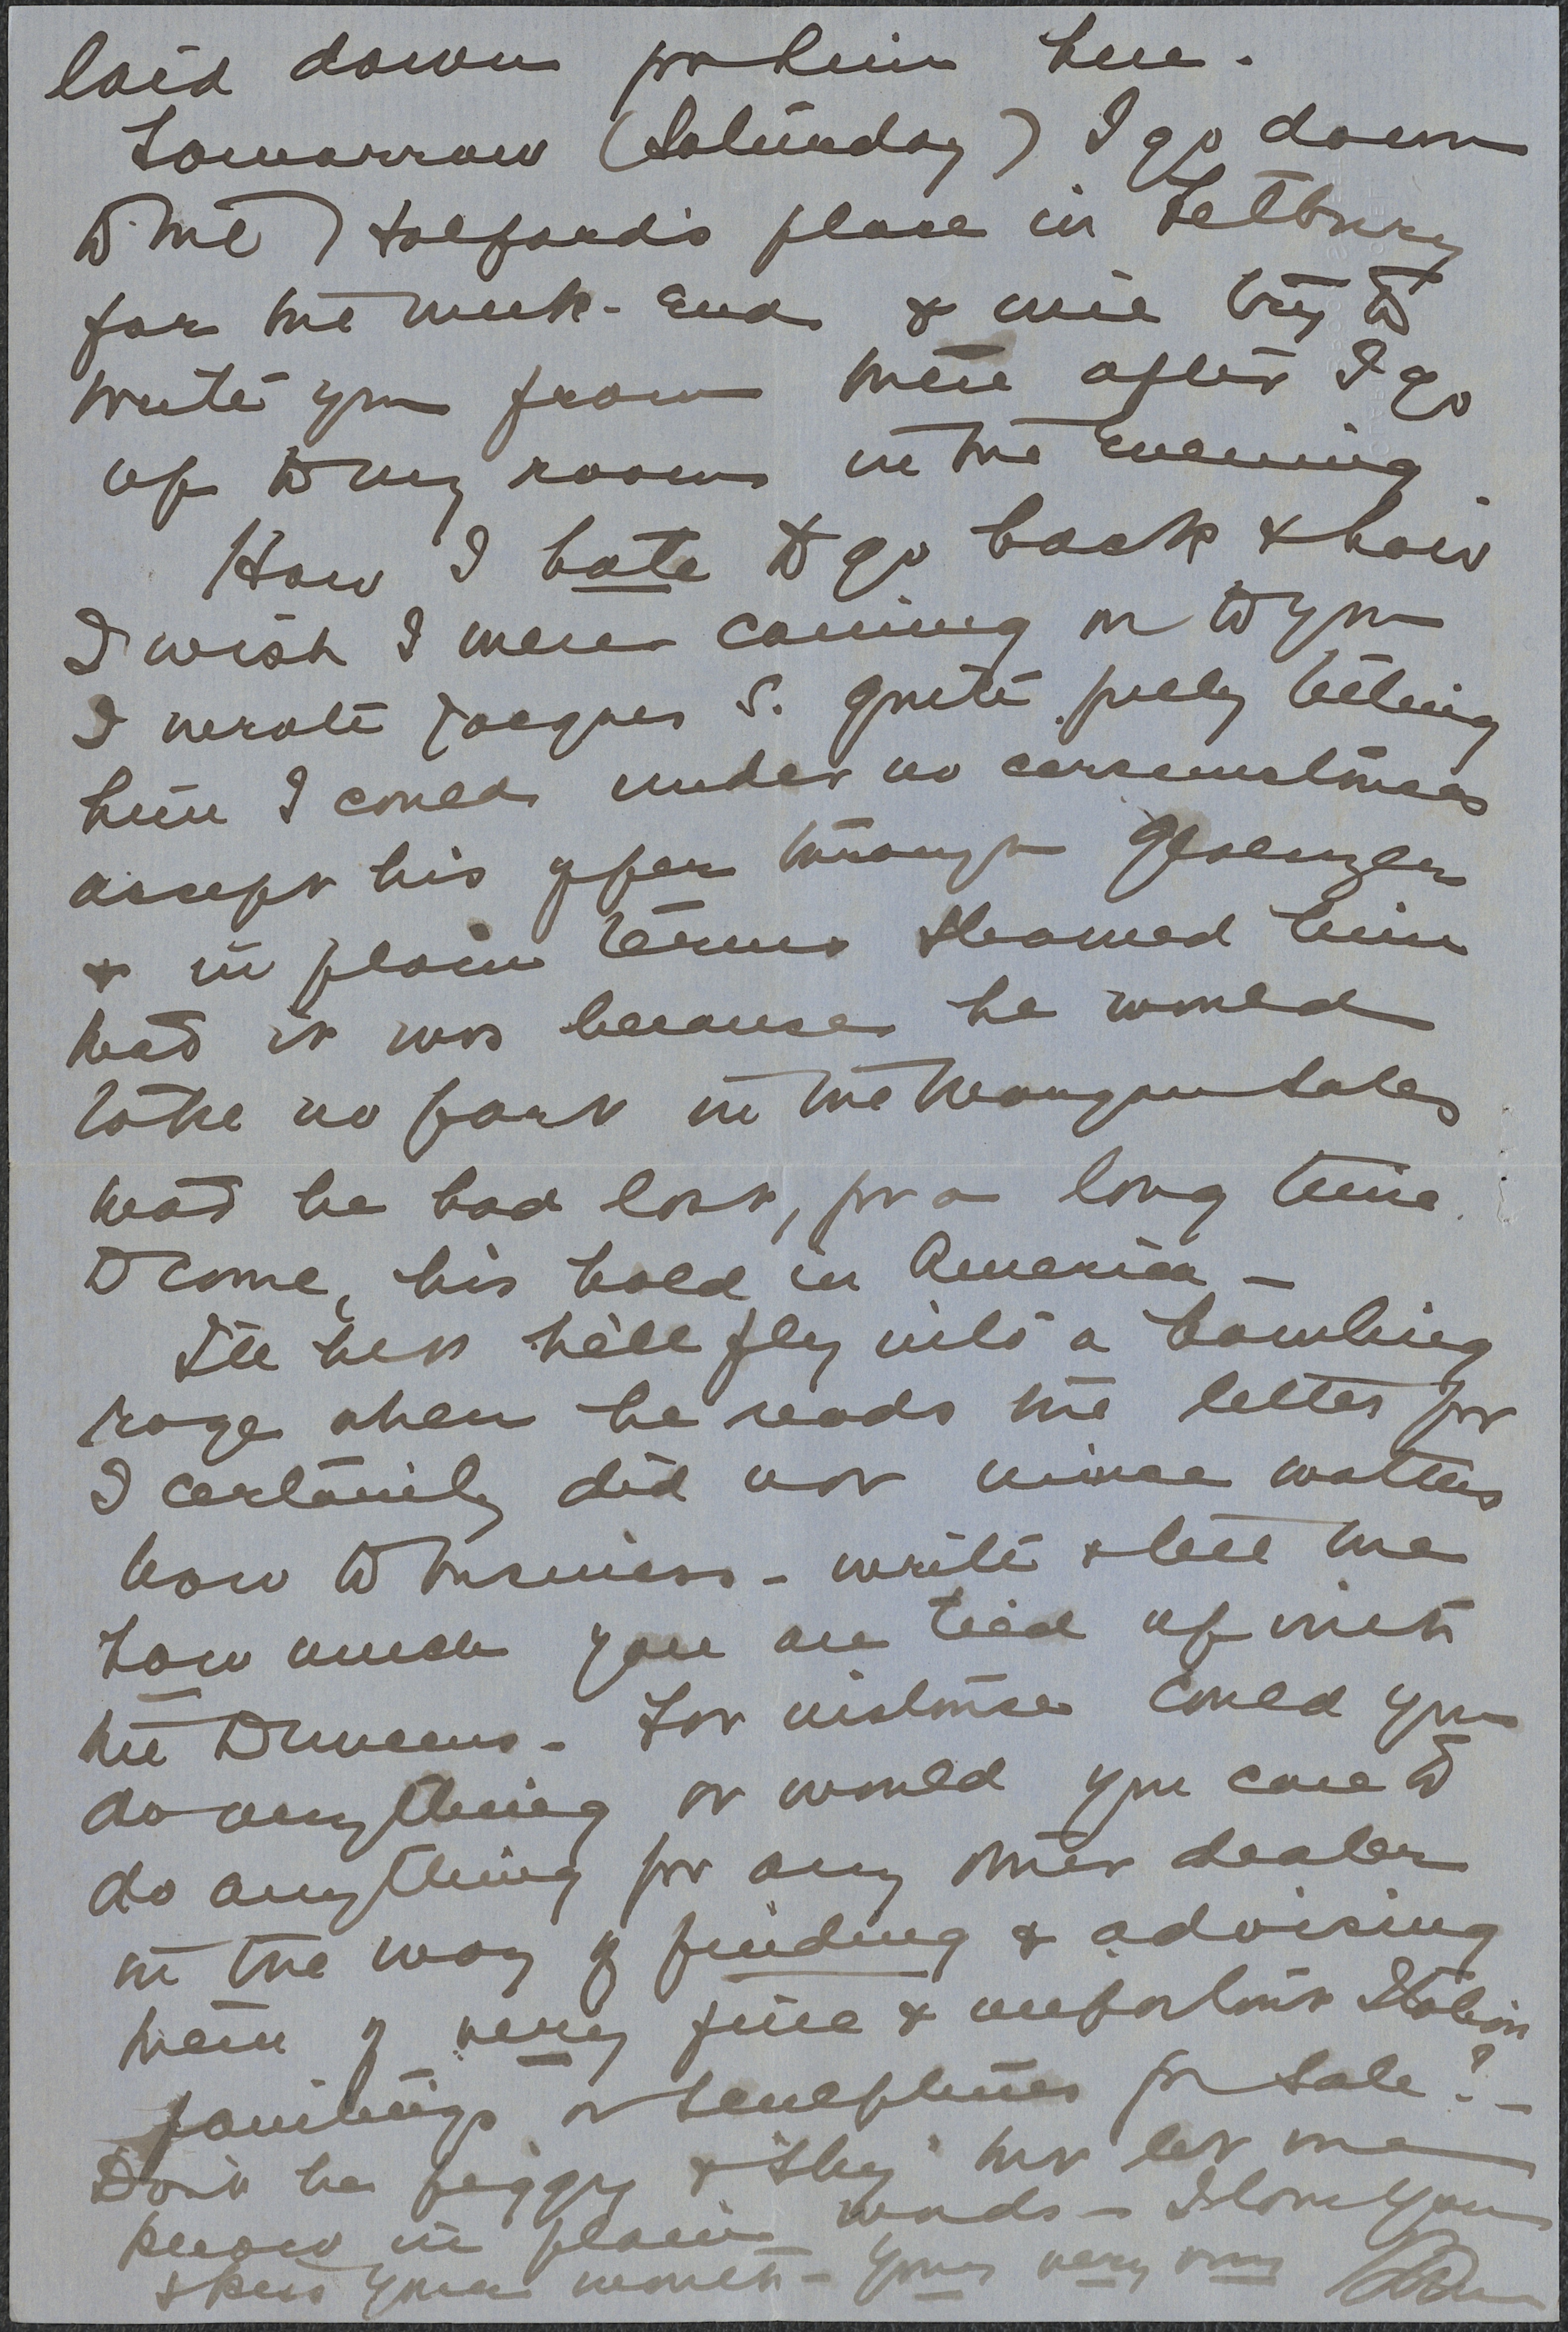laid down for him here.
Tomorrow (Saturday) I go down to the Holford’s place in Tetbury for the week-end & will try to write you from there after I go up to my rooms in the evening.
How I hate to go back & how I wish I were coming on to you I wrote Jacques S. quite fully telling him I could under no circumstances accept his offer through Glaenzer & in plain terms showed him that it was because he would to be no part in the Morgan sales that he had lost, for a long time to come, his hold in America –
I’ll bet he’ll fly with a howling rage when he reads the letter for I certainly did not mince matters
Now to business – write & tell me how much you are tied up with the Duveens – For instance could you do anything or would you care to do anything for any other dealer in the way of finding & advising them of very fine & important Italian paintings or sculptures for sale? – Don’t be piggy & “shy” but let me know in plain words – I love you & kiss your mouth – Your very own Belle